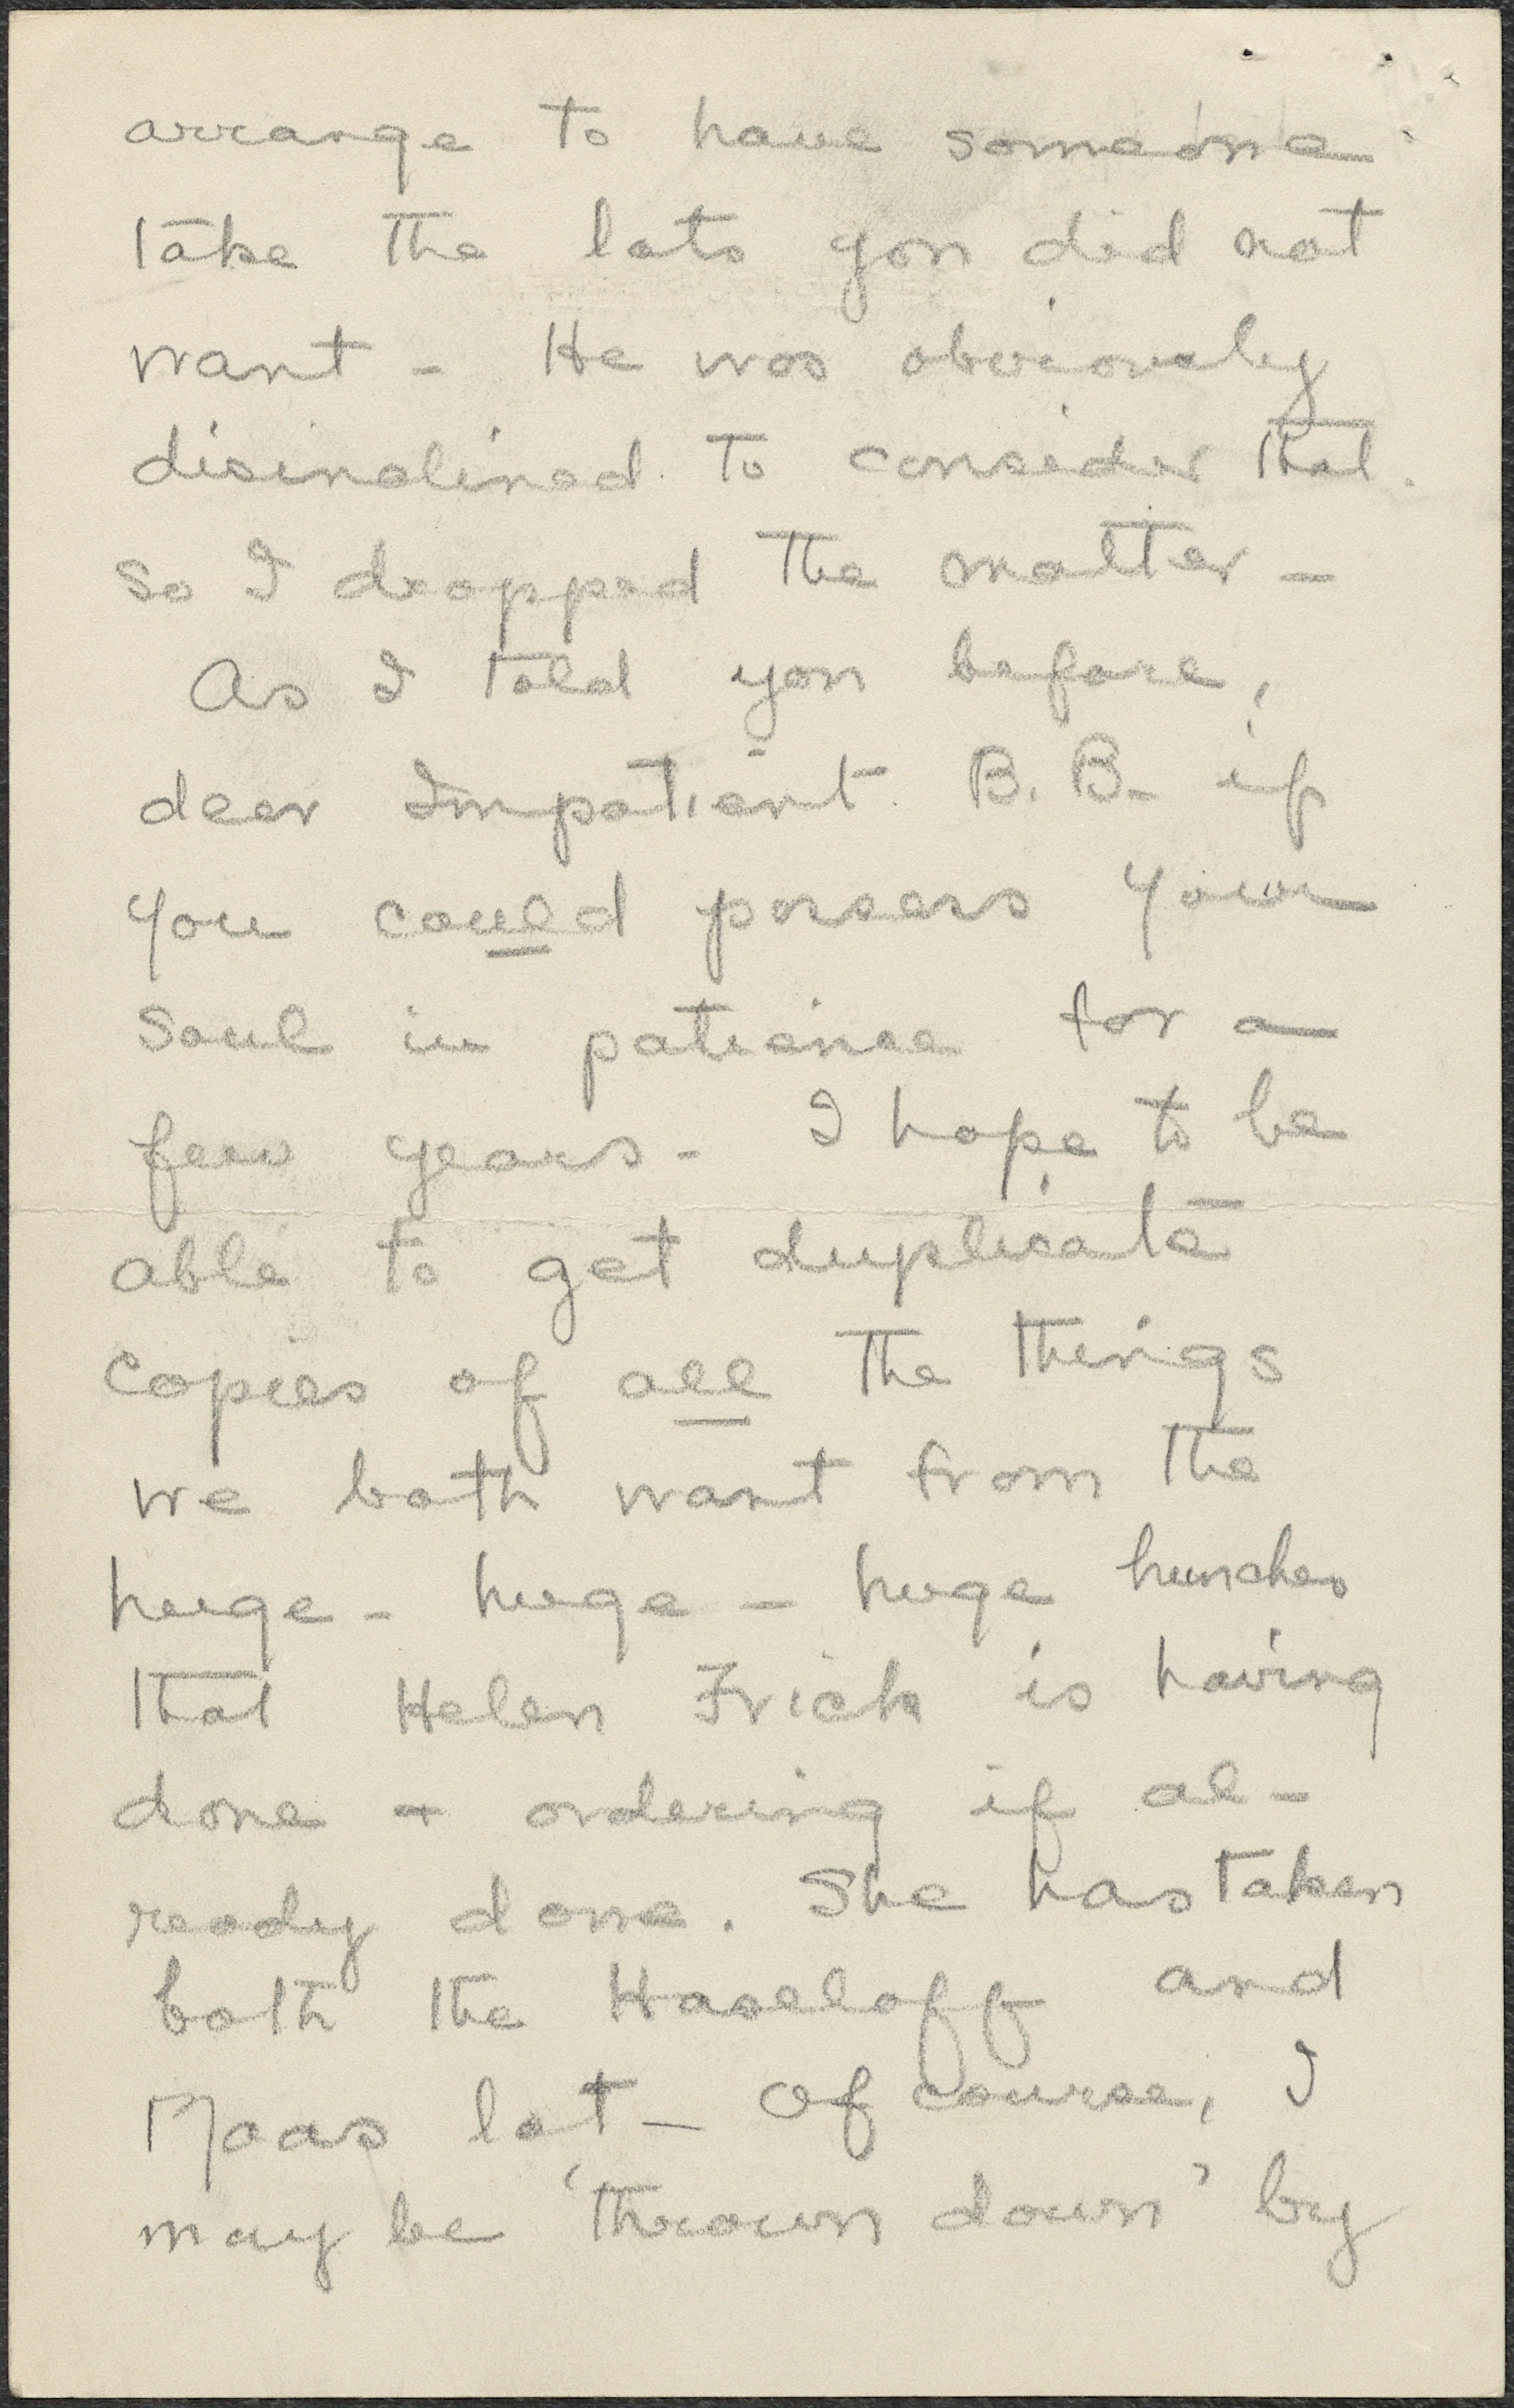arrange to have someone take the lots you did not want – He was obviously disinclined to consider that. so I dropped the matter –
As I told you before, dear Impatient B.B. if you could possess your soul in patience for a few years – I hope to be able to get duplicate copies of all the things we both want from the huge – huge – huge bunches that Helen Frick is having done & ordering if already done. She has taken both the Haseloff and Maas lot – Of course, I may be “thrown down” by